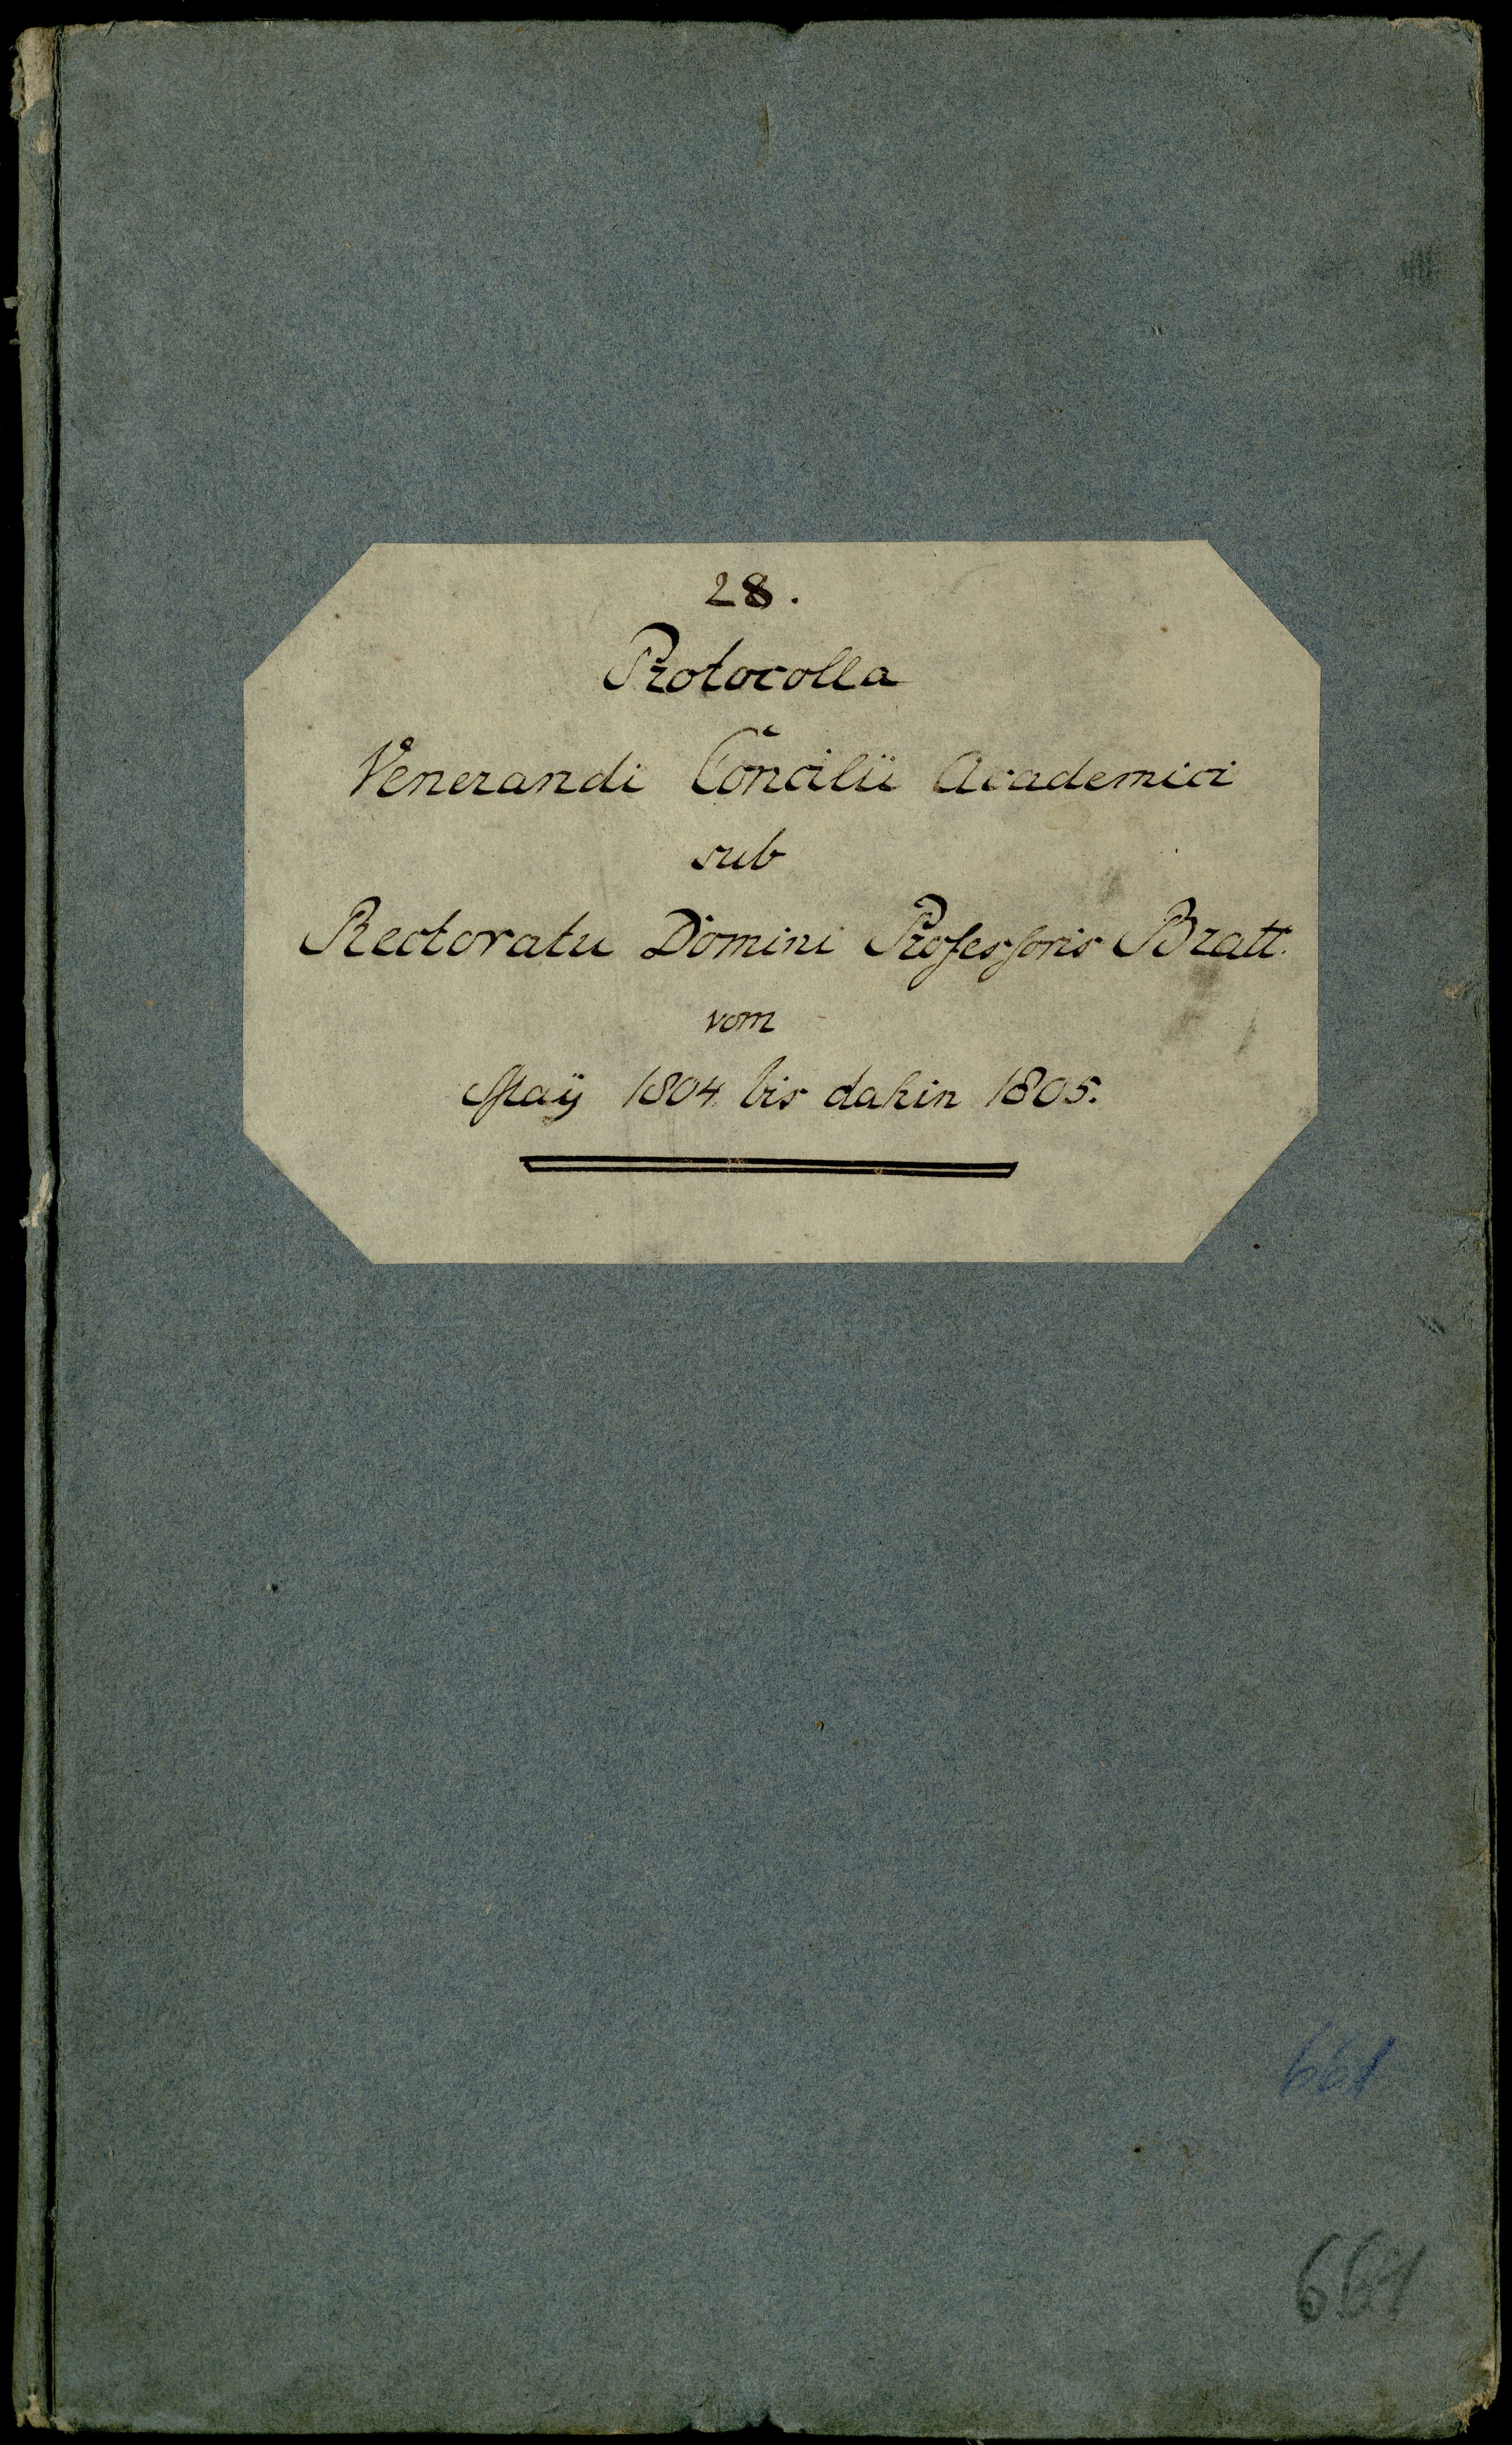28.
Protocolla
Venerandi Concilii Academici
sub
Rectoratu Domini Professoris Bratt.
vom
Maÿ 1804. bis dahin 1805.